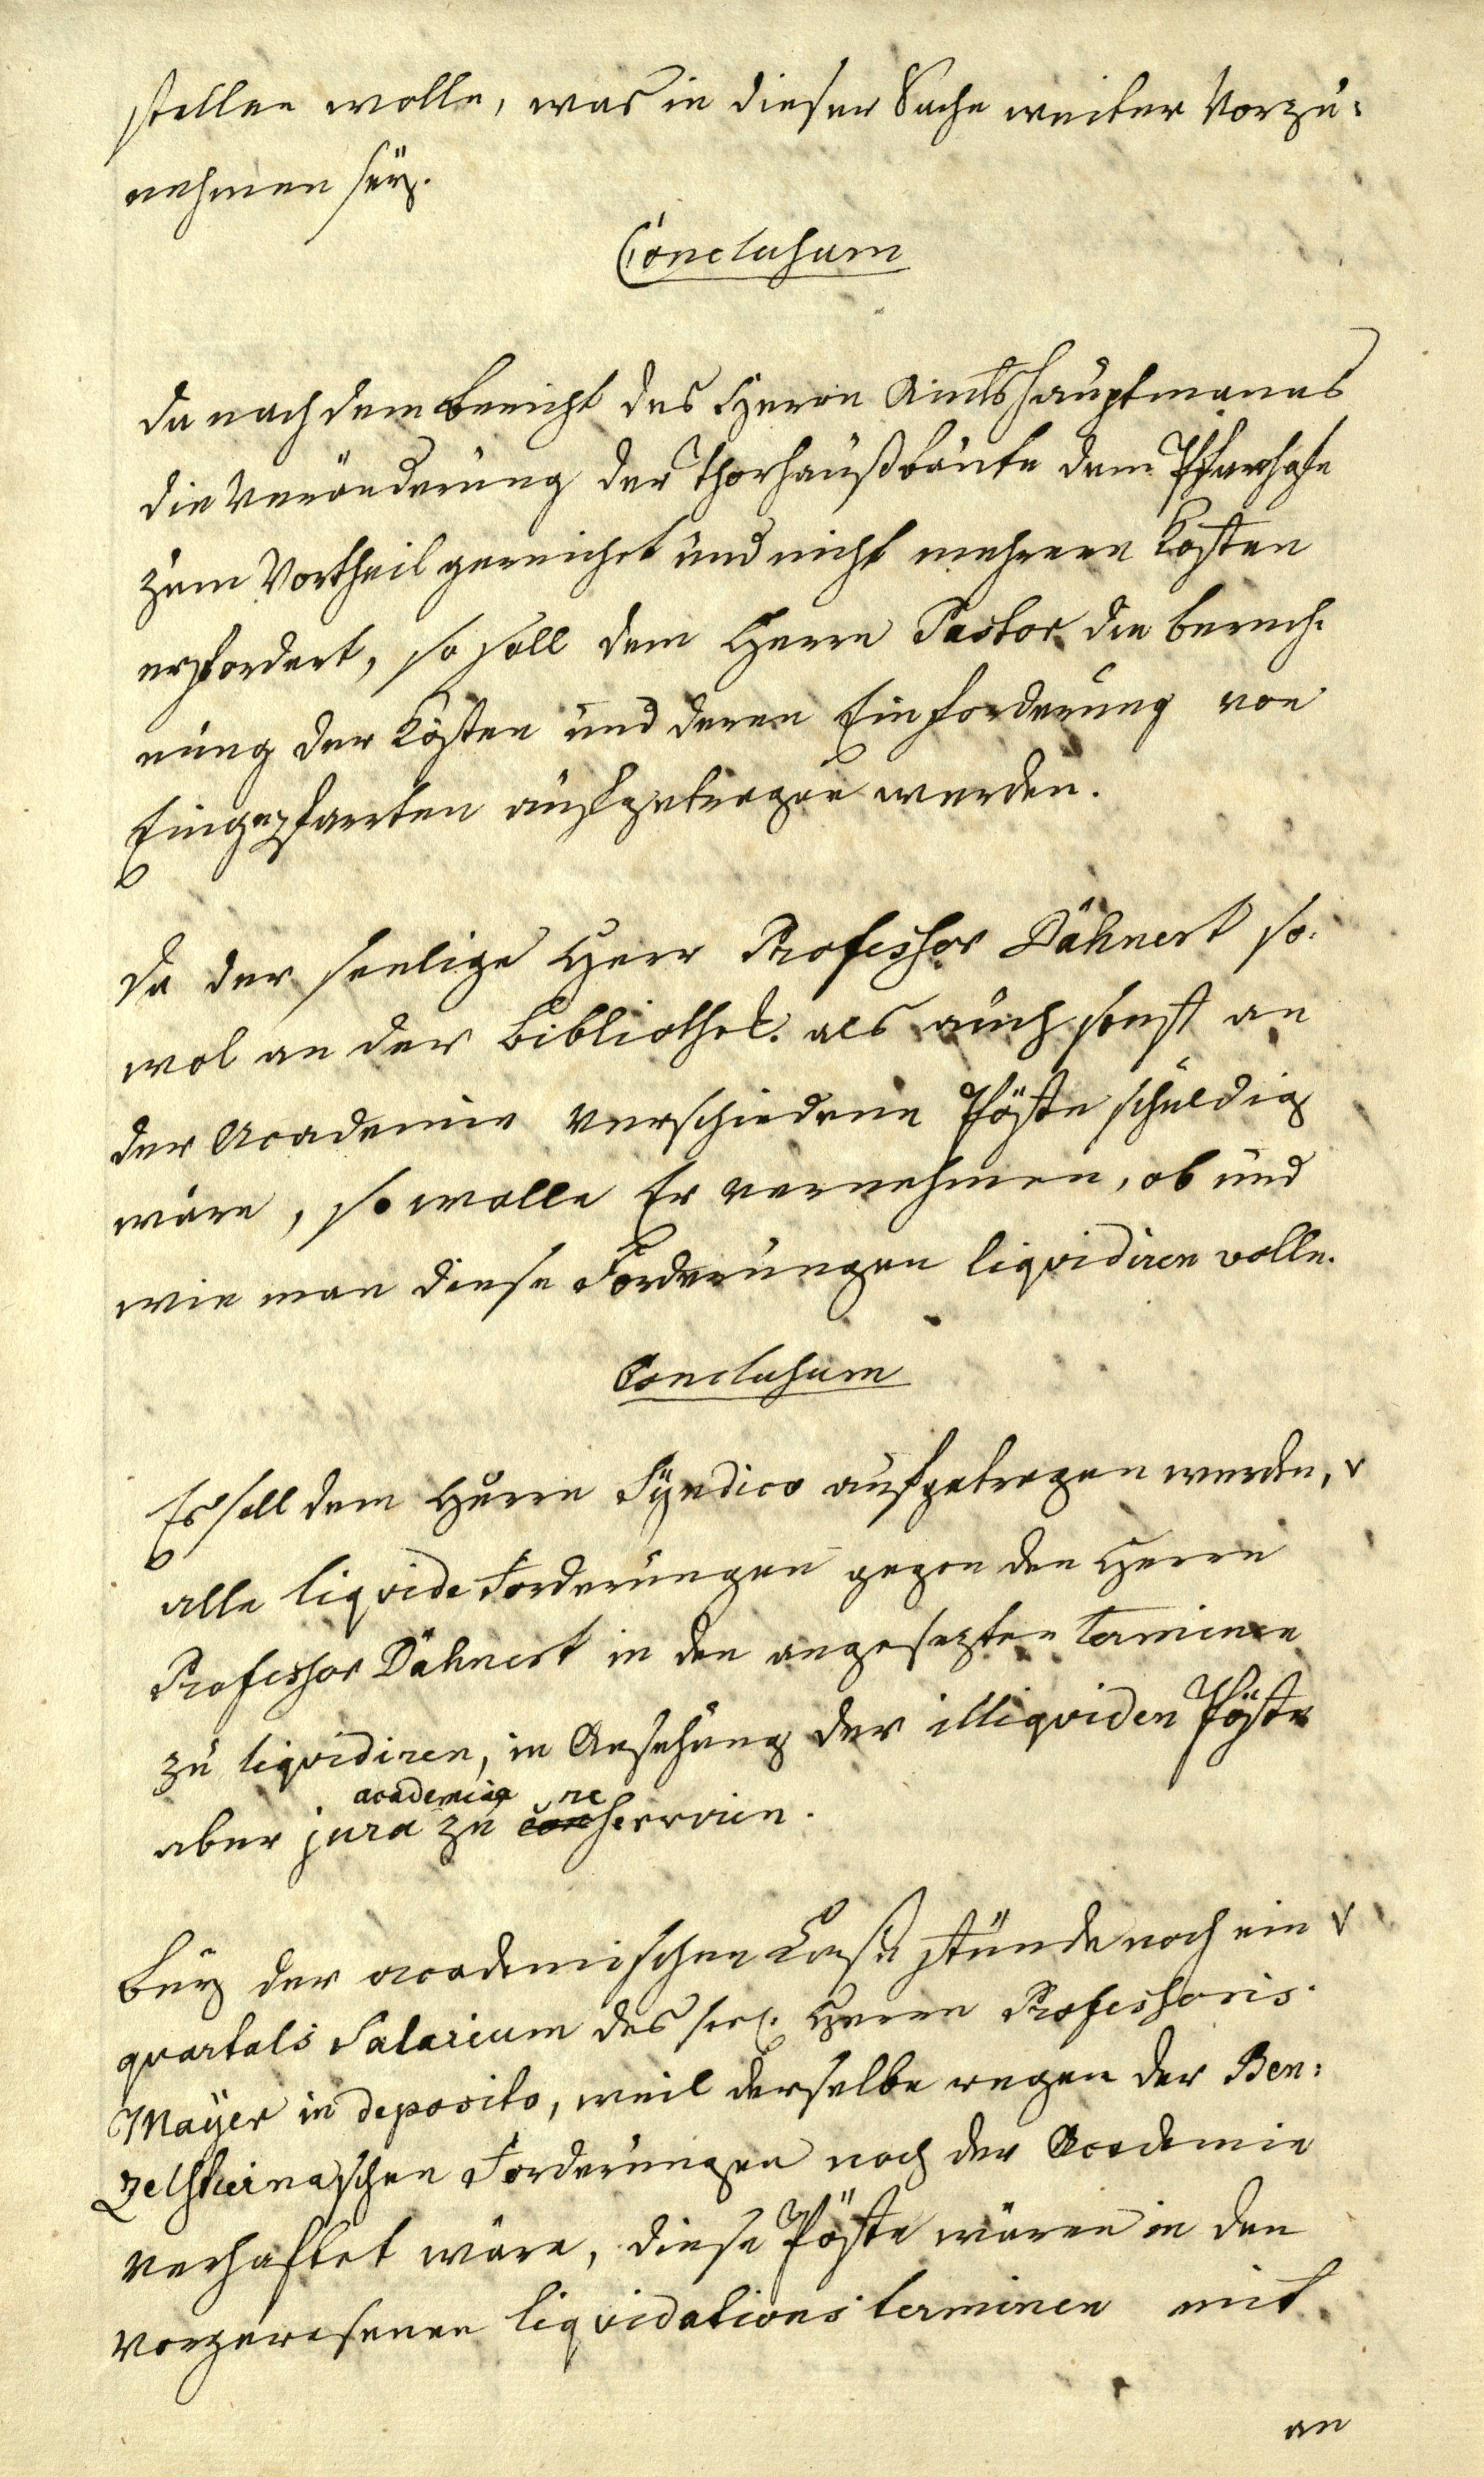stellen wolle, was in dieser Sache weiter Vorzu¬
nehmen seÿ.
Conclusum
Da nach dem Bericht des Herrn Amtshauptmanns
die Veränderung der Thorhaußbaute dem Pfarrhofe
zum Vortheil gereichet und nicht mehrere Kosten
erfordert, so soll dem Herrn Pastor die Berech¬
nung der Kosten und deren Einforderung von
Eingepfarrten aufgetragen werden.
Da der seelige Herr Professor Dähnert so¬
wol an der Bibliothek als auch sonst an
der Academie verschiedene Pöste schuldig
wäre, so wolle Er vernehmen, ob und
wie man diese Forderungen liquidiren wolle.
Conclusum
Es soll dem Herrn Sÿndico aufgetragen werden,
alle liquide Forderungen gegen den Herrn
Professor Dähnert in den angesezten Terminen
zu liquidiren, in Ansehung der illiquiden Pöste
aber jura academica zu reserviren.
Beÿ der academischen Caße stünde noch ein
quartals Salarium des seel. Herrn Professoris
Maÿer in deposito, weil derselbe wegen der Ben¬
zelstiernaschen Forderungen noch der Academie
verhaftet wäre, diese Pöste wären in den
vorgewesenen liquidations terminen mit
an